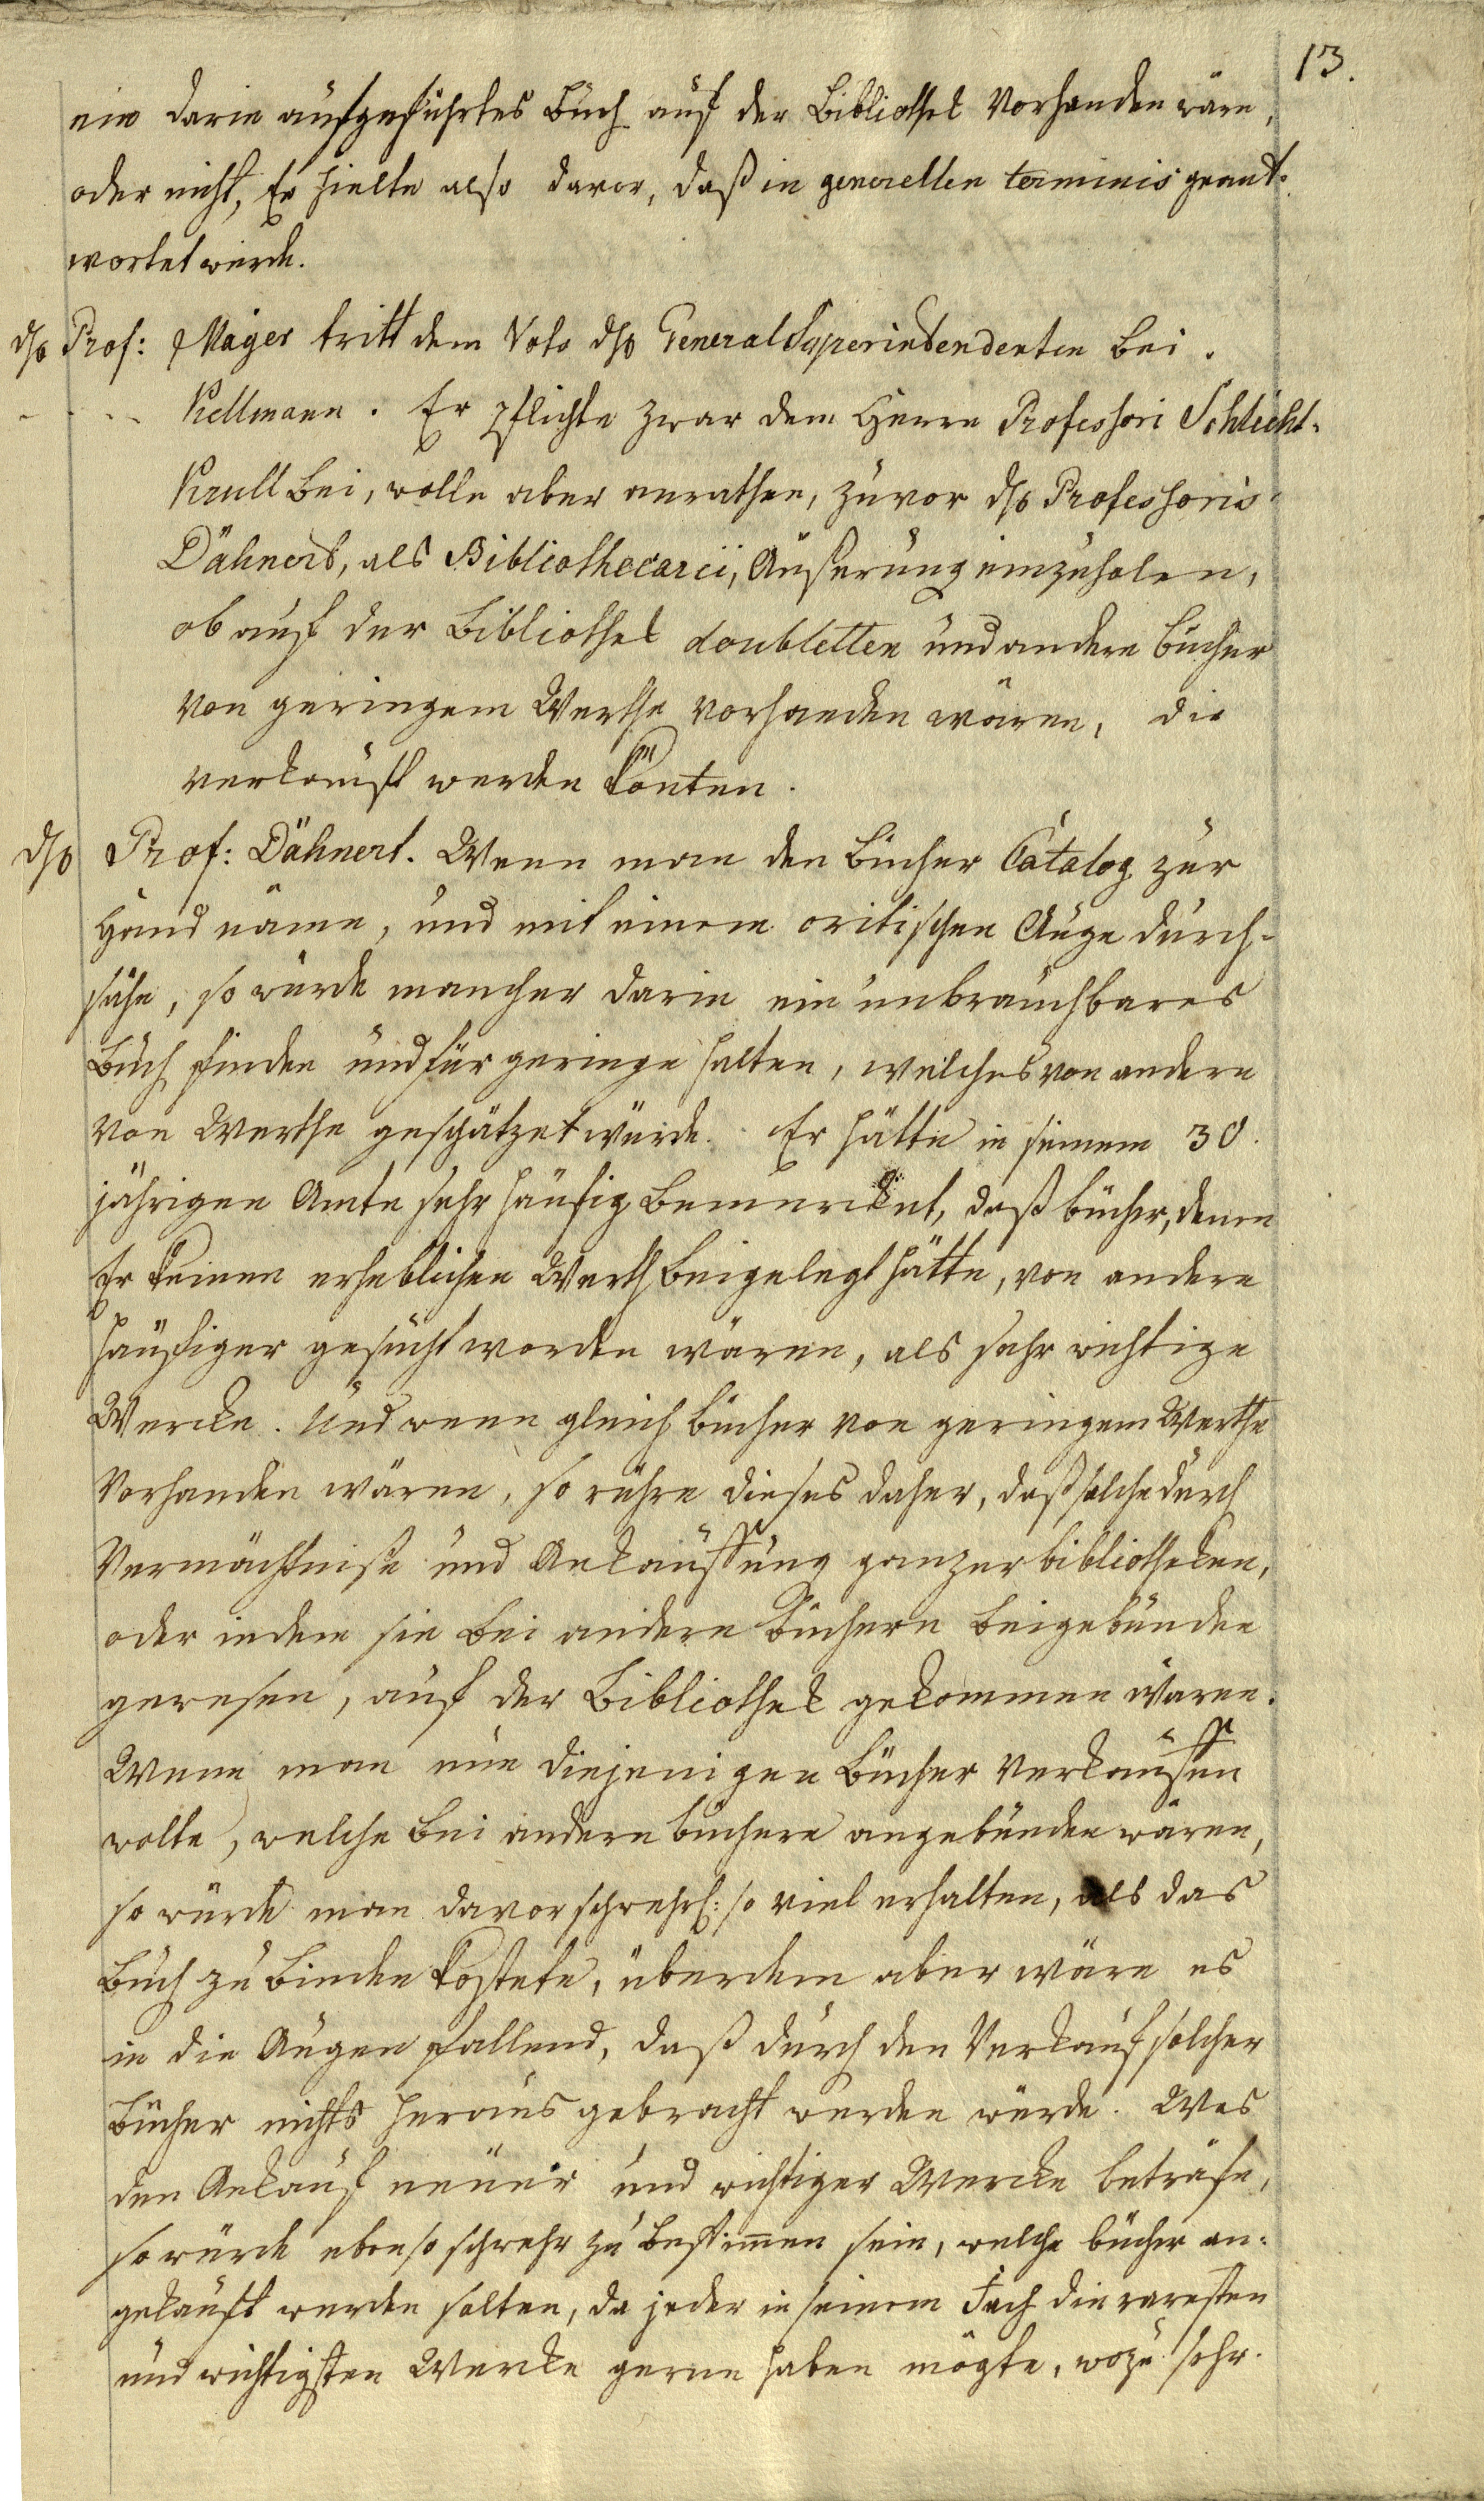ein darin aufgeführtes Buch auf der Bibliothek vorhanden wäre,
oder nicht, Er hielte also davor, daß in generellen terminis geant¬
wortet werde.
dh Prof: Maÿer tritt dem Voto dh GeneralSuperintendenten bei.
Kellmann. Er pflichte zwar dem Herrn Professori Schlicht¬
Krull bei, wolle aber anrathen, zuvor dh Professoris
Dähnert, als Bibliothecarii, Äußerung einzuholen,
ob auf der Bibliothek doubletten und andere bücher
von geringem Werthe vorhanden wären, die
verkauft werden könten.
dh Prof: Dähnert. Wenn man den Bücher Catalog zur
Hand näme, und mit einem critischen Auge durch¬
sähe, so würde mancher darin ein unbrauchbares
Buch finden und für geringe halten, welches von andern
von Werthe geschätzet würde. Er hätte in seinem 30
jährigen Amte sehr häufig bemercket, daß bücher, denen
Er keinen erheblichen Werth beigelegt hätte, von andern
häufiger gesucht worden wären, als sehr wichtige
Wercke. Und wenn gleich Bücher von geringem Werthe
vorhanden wären, so rühre dieses daher, daß solche durch
Vermächtniße und Ankauffung ganzer Bibliotheken,
oder indem sie bei andern Büchern beigebunden
gewesen, auf der Bibliothek gekommen wären.
Wenn man nun diejenigen Bücher verkaufen
wollte, welche bei andern Büchern angebunden wären,
so würde man davor schwehrl: so viel erhalten, als das
Buch zu binden kostete, überdem aber wäre es
in die Augen fallend, daß durch den Verkauf solcher
Bücher nichts heraus gebracht werden würde. Was
den Ankauf neuer und wichtiger Wercke beträfe,
so würde ebenso schwehr zu bestimmen sein, welche bücher an¬
gekauft werden solten, da jeder in seinem Fach die raresten
und wichtigsten Wercke gerne haben mögte, wozu sehr